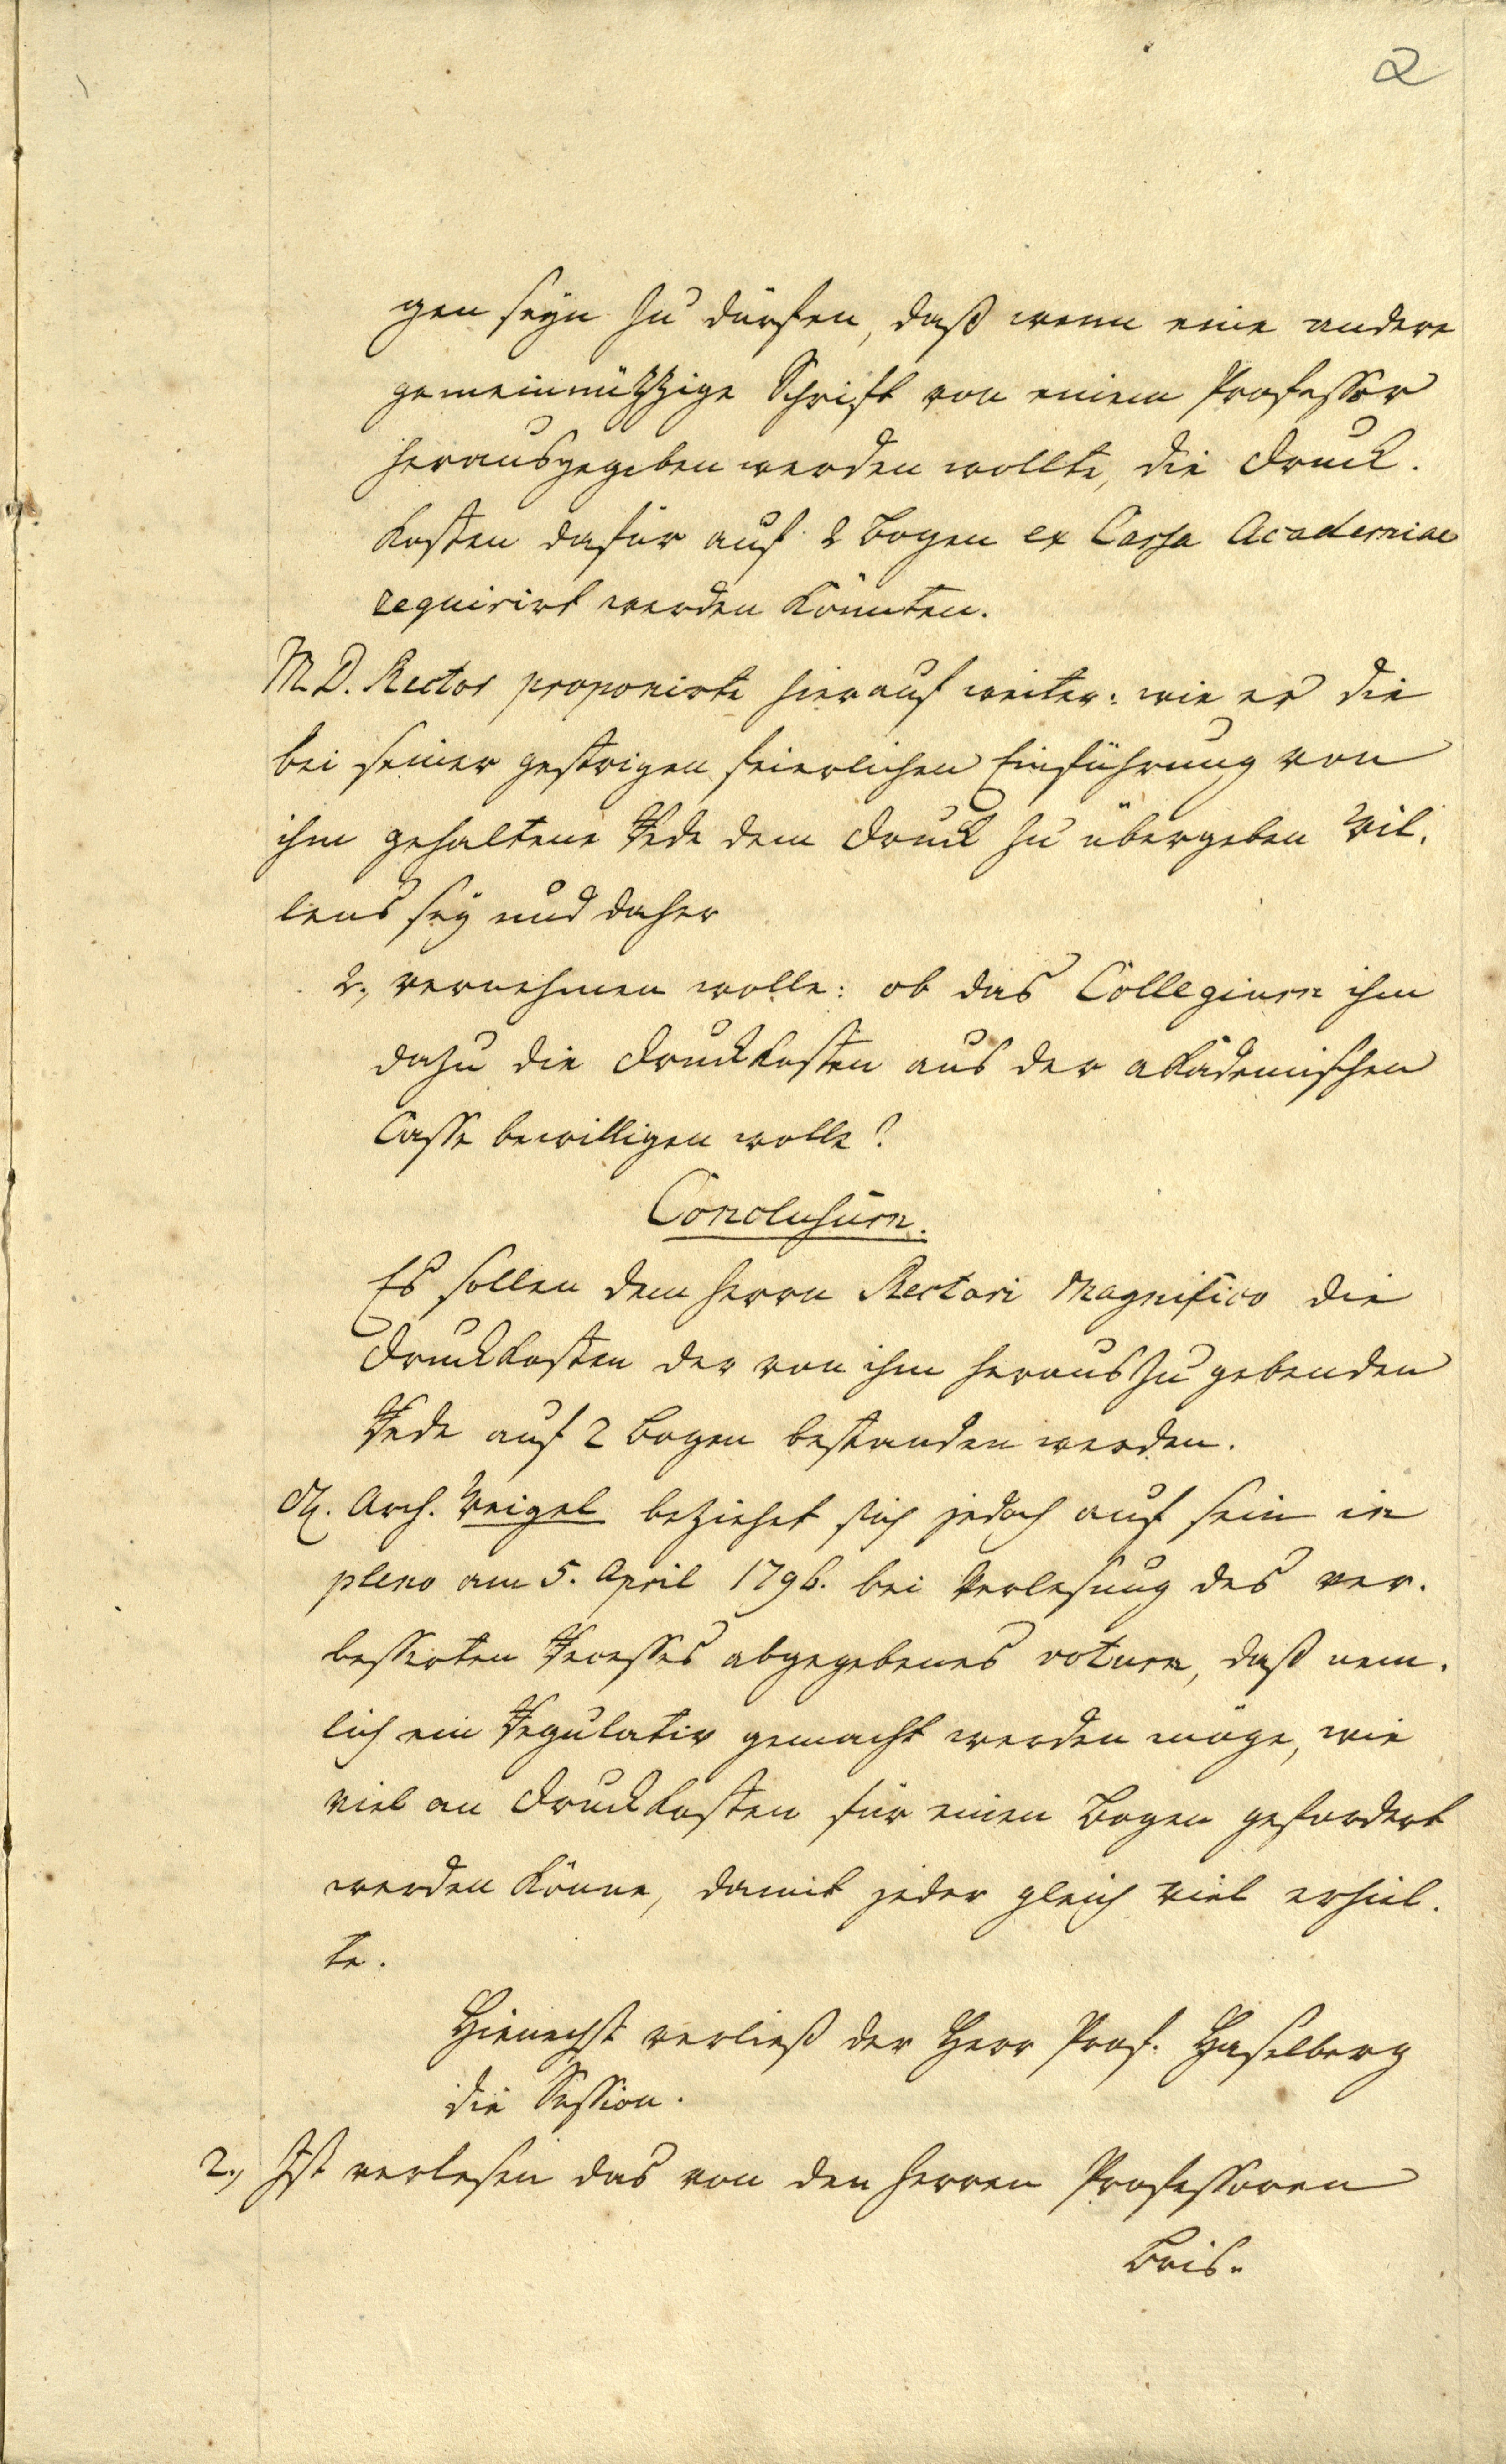gen seÿn zu dürfen, daß wenn eine andere
gemeinnüzzige Schrift von einem Professor
herausgegeben werden wollte, die Druck¬
Kosten dafür auf 2 Bogen ex Cassa Academiae
requiriret werden könnten.
M. D . Rector proponirte hierauf weiter : wie er die
bei seiner gestrigen feierlichen Einführung von
ihm gehaltene Rede dem Druck zu übergeben Wil¬
lens seÿ und daher
2 . vernehmen wolle: ob das Collegium ihm
dazu die Druckkosten aus der akademischen
Casse bewilligen wolle?
Conclusum.
Es sollen dem herrn Rectori Magnifico die
Druckkosten der von ihm heraus zu gebenden
Rede auf 2 Bogen bestanden werden
dh. Arch. Weigel beziehet sich jedoch auf sein in
pleno vom 5 . April 1796. bei Verlesung des ver¬
besserten Recesses abgegebenes votum, daß nem¬
lich ein Regulativ gemacht werden möge, wie
viel an Druckkosten für einen Bogen gefordert
werden könne, damit jeder gleich viel erhiel¬
te.
Hienechst verließ der Herr Prof. Haselberg
die Session.
2., Ist verlesen das von den herren Professoren
Bris